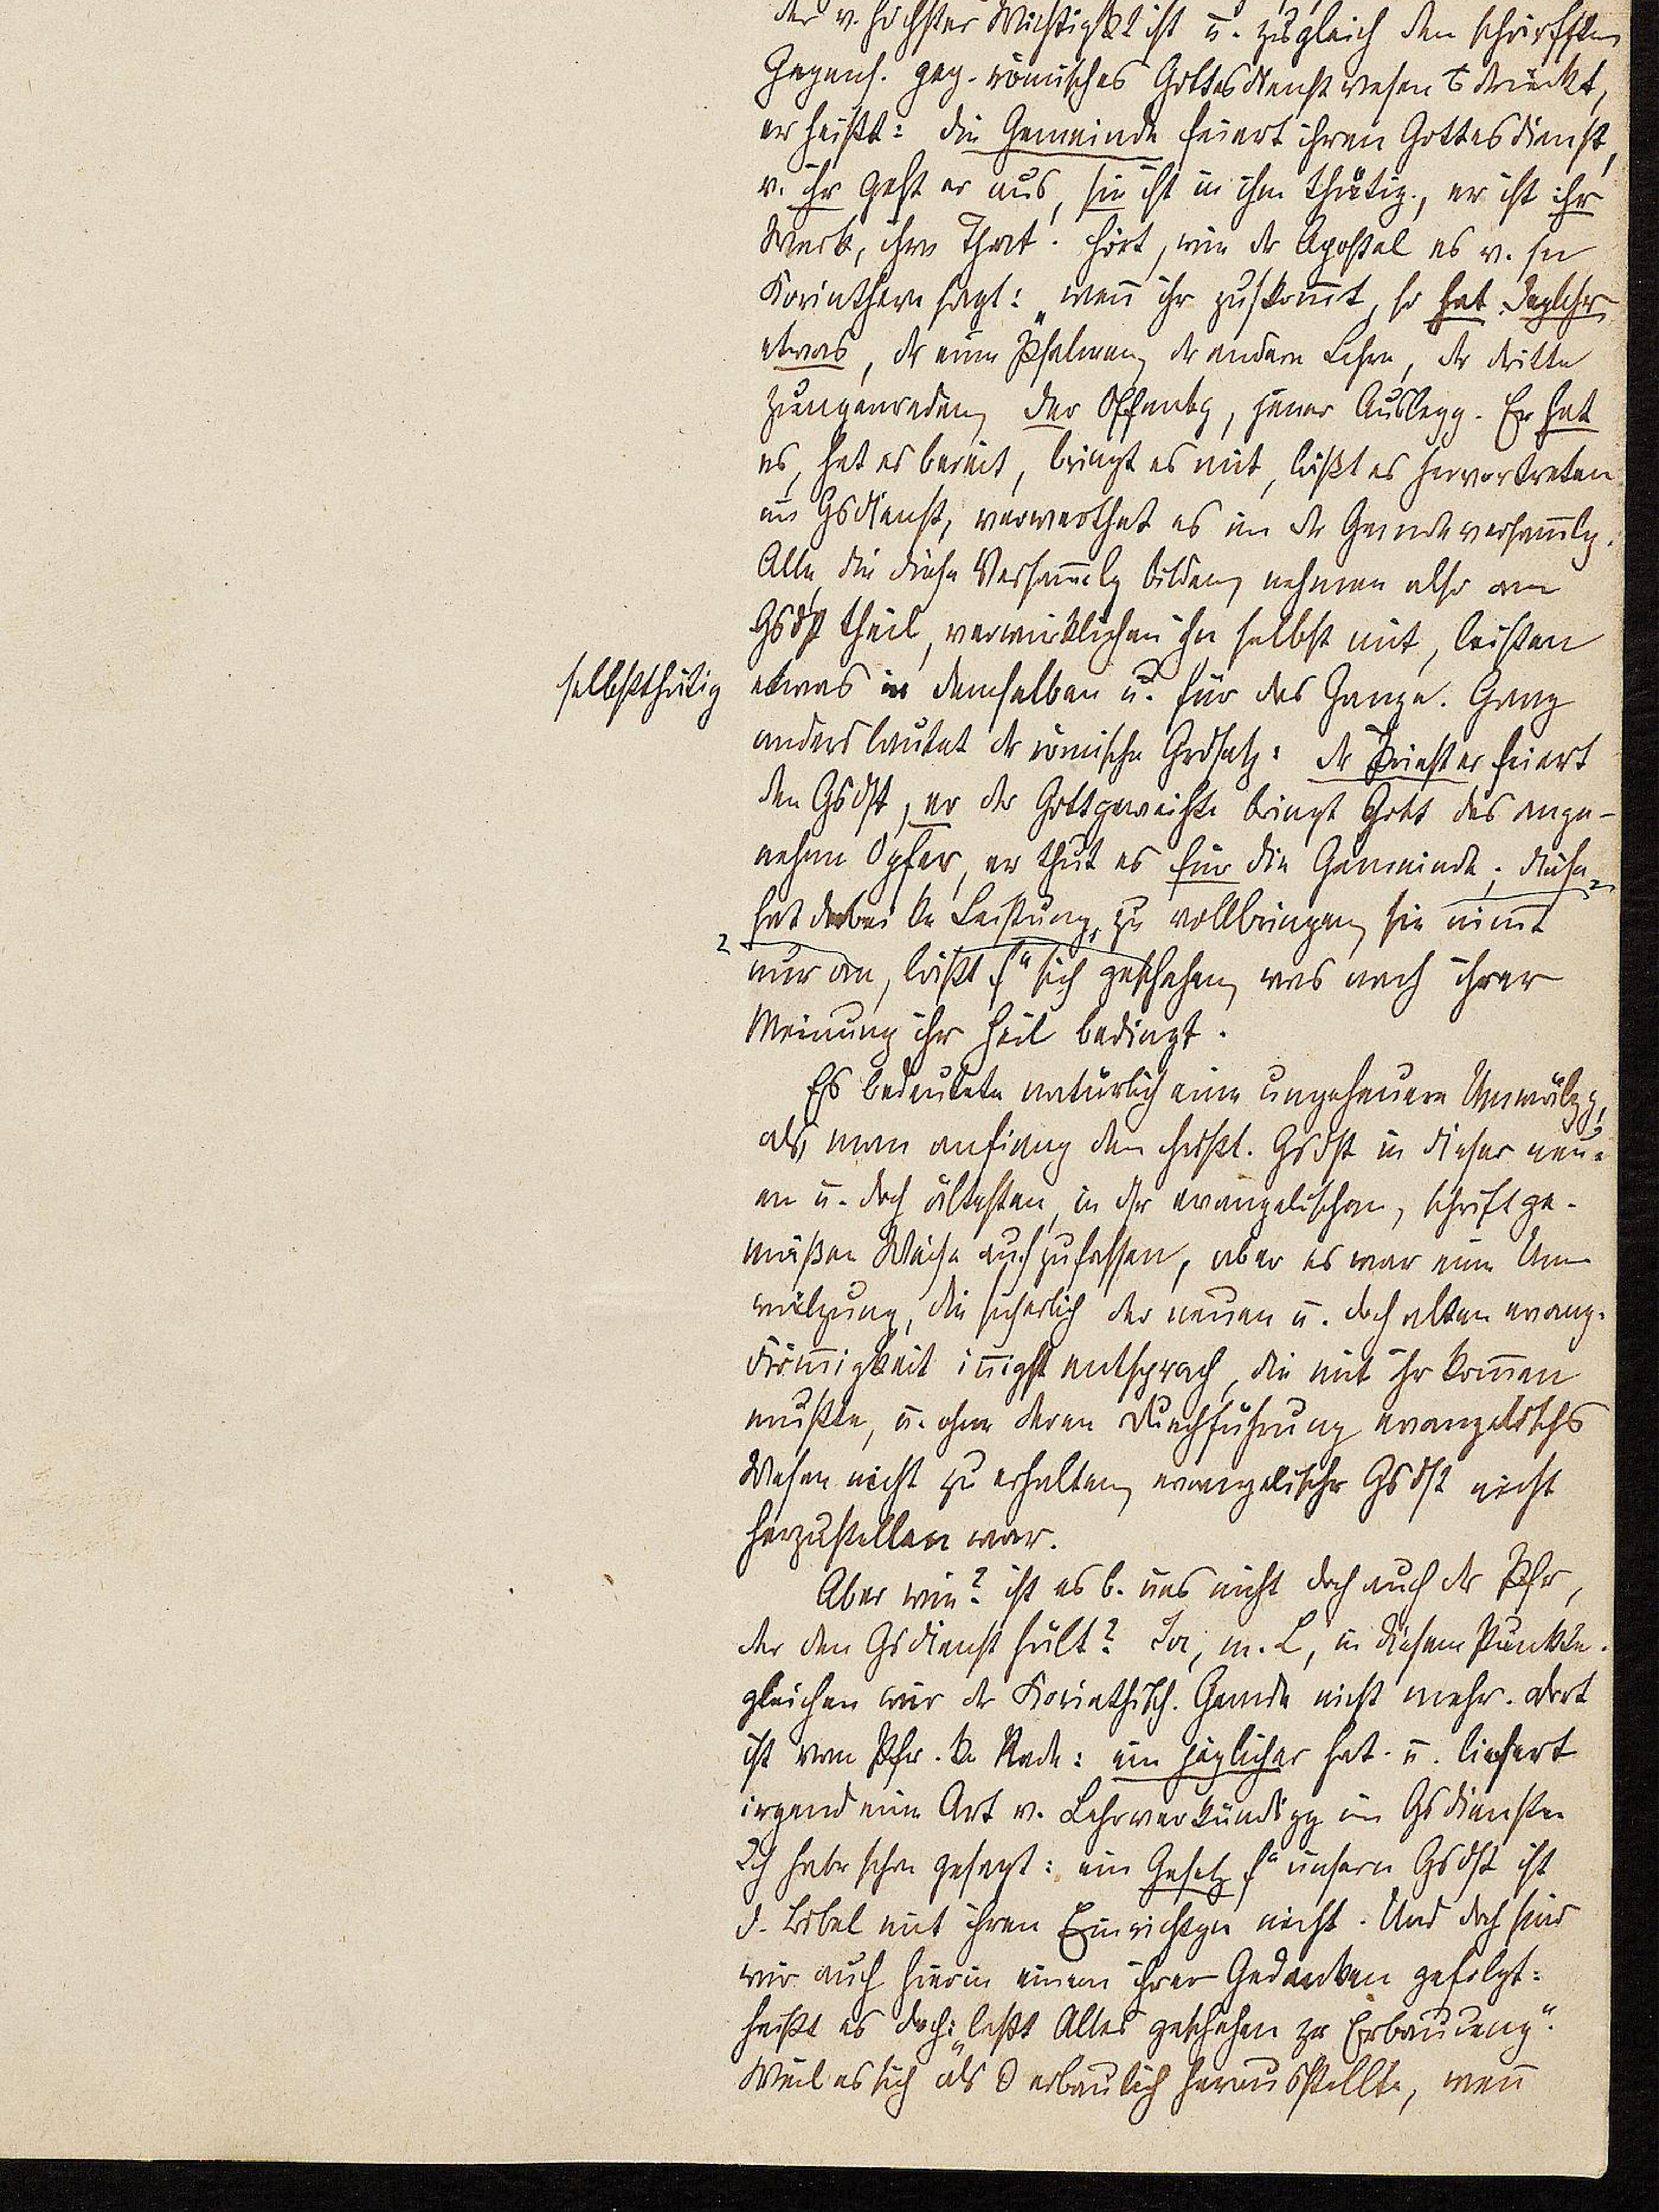selbstthätig
der v. höchster Wichtigkt ist u. ugleich den schärfsten
Gegens. geg. römisches Gottesdienstwesen s drückt,
er heißt: die Gemeinde feiert ihren Gottesdienst,
v. ihr geht er aus, sie ist in ihm thätig, er ist ihr
Werk, ihre That. Hört, wie der Apostel es v. sn
Korinthern sagt: "wen ihr zuskomt, so hat Jeglicher
etwas, der eine Psalmen, der anderen Lehre, der dritten
Zungenrede, der Offenbg, jener Auslegg. Er hat
es, hat es bereit, bringt es mit, läßt es hervortreten
im Gsdienst, verwerthet es in der Gmndeversamlg.
Alle die diese Versamlg bilden, nehmen also am
Gsdst theil, verwirklichen ihn selbst mit, leisten
etwas in demselben u. für das Ganze. Ganz
anders lautet der römische Grdsatz: die Priester feiert
den Gsdst, er der Gottgeweihte bringt Gott das ange¬
nehme Opfer, er thut für die Gemeinde. diese
hat dabei kn Leistung zu vollbringen, sie nimt
nur an, läßt fü sich geschehen, was nach ihrer
Meinung ihr Heil bedingt.
Es bedeutete natürlich eine ungeheuere Umwälzg,
als man anfing den christ. Gsdst in dieser neu¬
en u. doch ältesten, in der evangelischen, schriftgem¬
mäßen Weise aufzufassen, aber es war eine Um¬
wälzung, die sicherlich der neuen u. doch alten evang.
Frömigkeit inigst entsprach, die mit ihr kommen
mußten, u. ohne deren Durchführung. evangelisches
Wesen nicht zu erhalten, evangelischer Gsdst nicht
herzustellen war.
Aber wie? ist es b. uns nicht doch auch der Pfr,
der den Gsdienst hält? Ja, m. L., in diesem Punkte.
gleichen wir der Korinthisch. Gemde nicht mehr. Dort
ist vom Pfr. kn. Rede: ein jeglicher hat. u. liefert
irgendeine Art v. Lehrverkündigg im Gsdienste.
Ich habe schon gesagt: eine Gesetz fü unsern Gsdst ist
d. Bibel mit ihren Einrichtgn nicht. Und doch sind
wir auch hierin einem ihrer Gedanken gefolgt:
heißt es doch: "laßt Alle geschehen zu Erbauung."
Weil es sich als o erbaulich herausstellte, wen